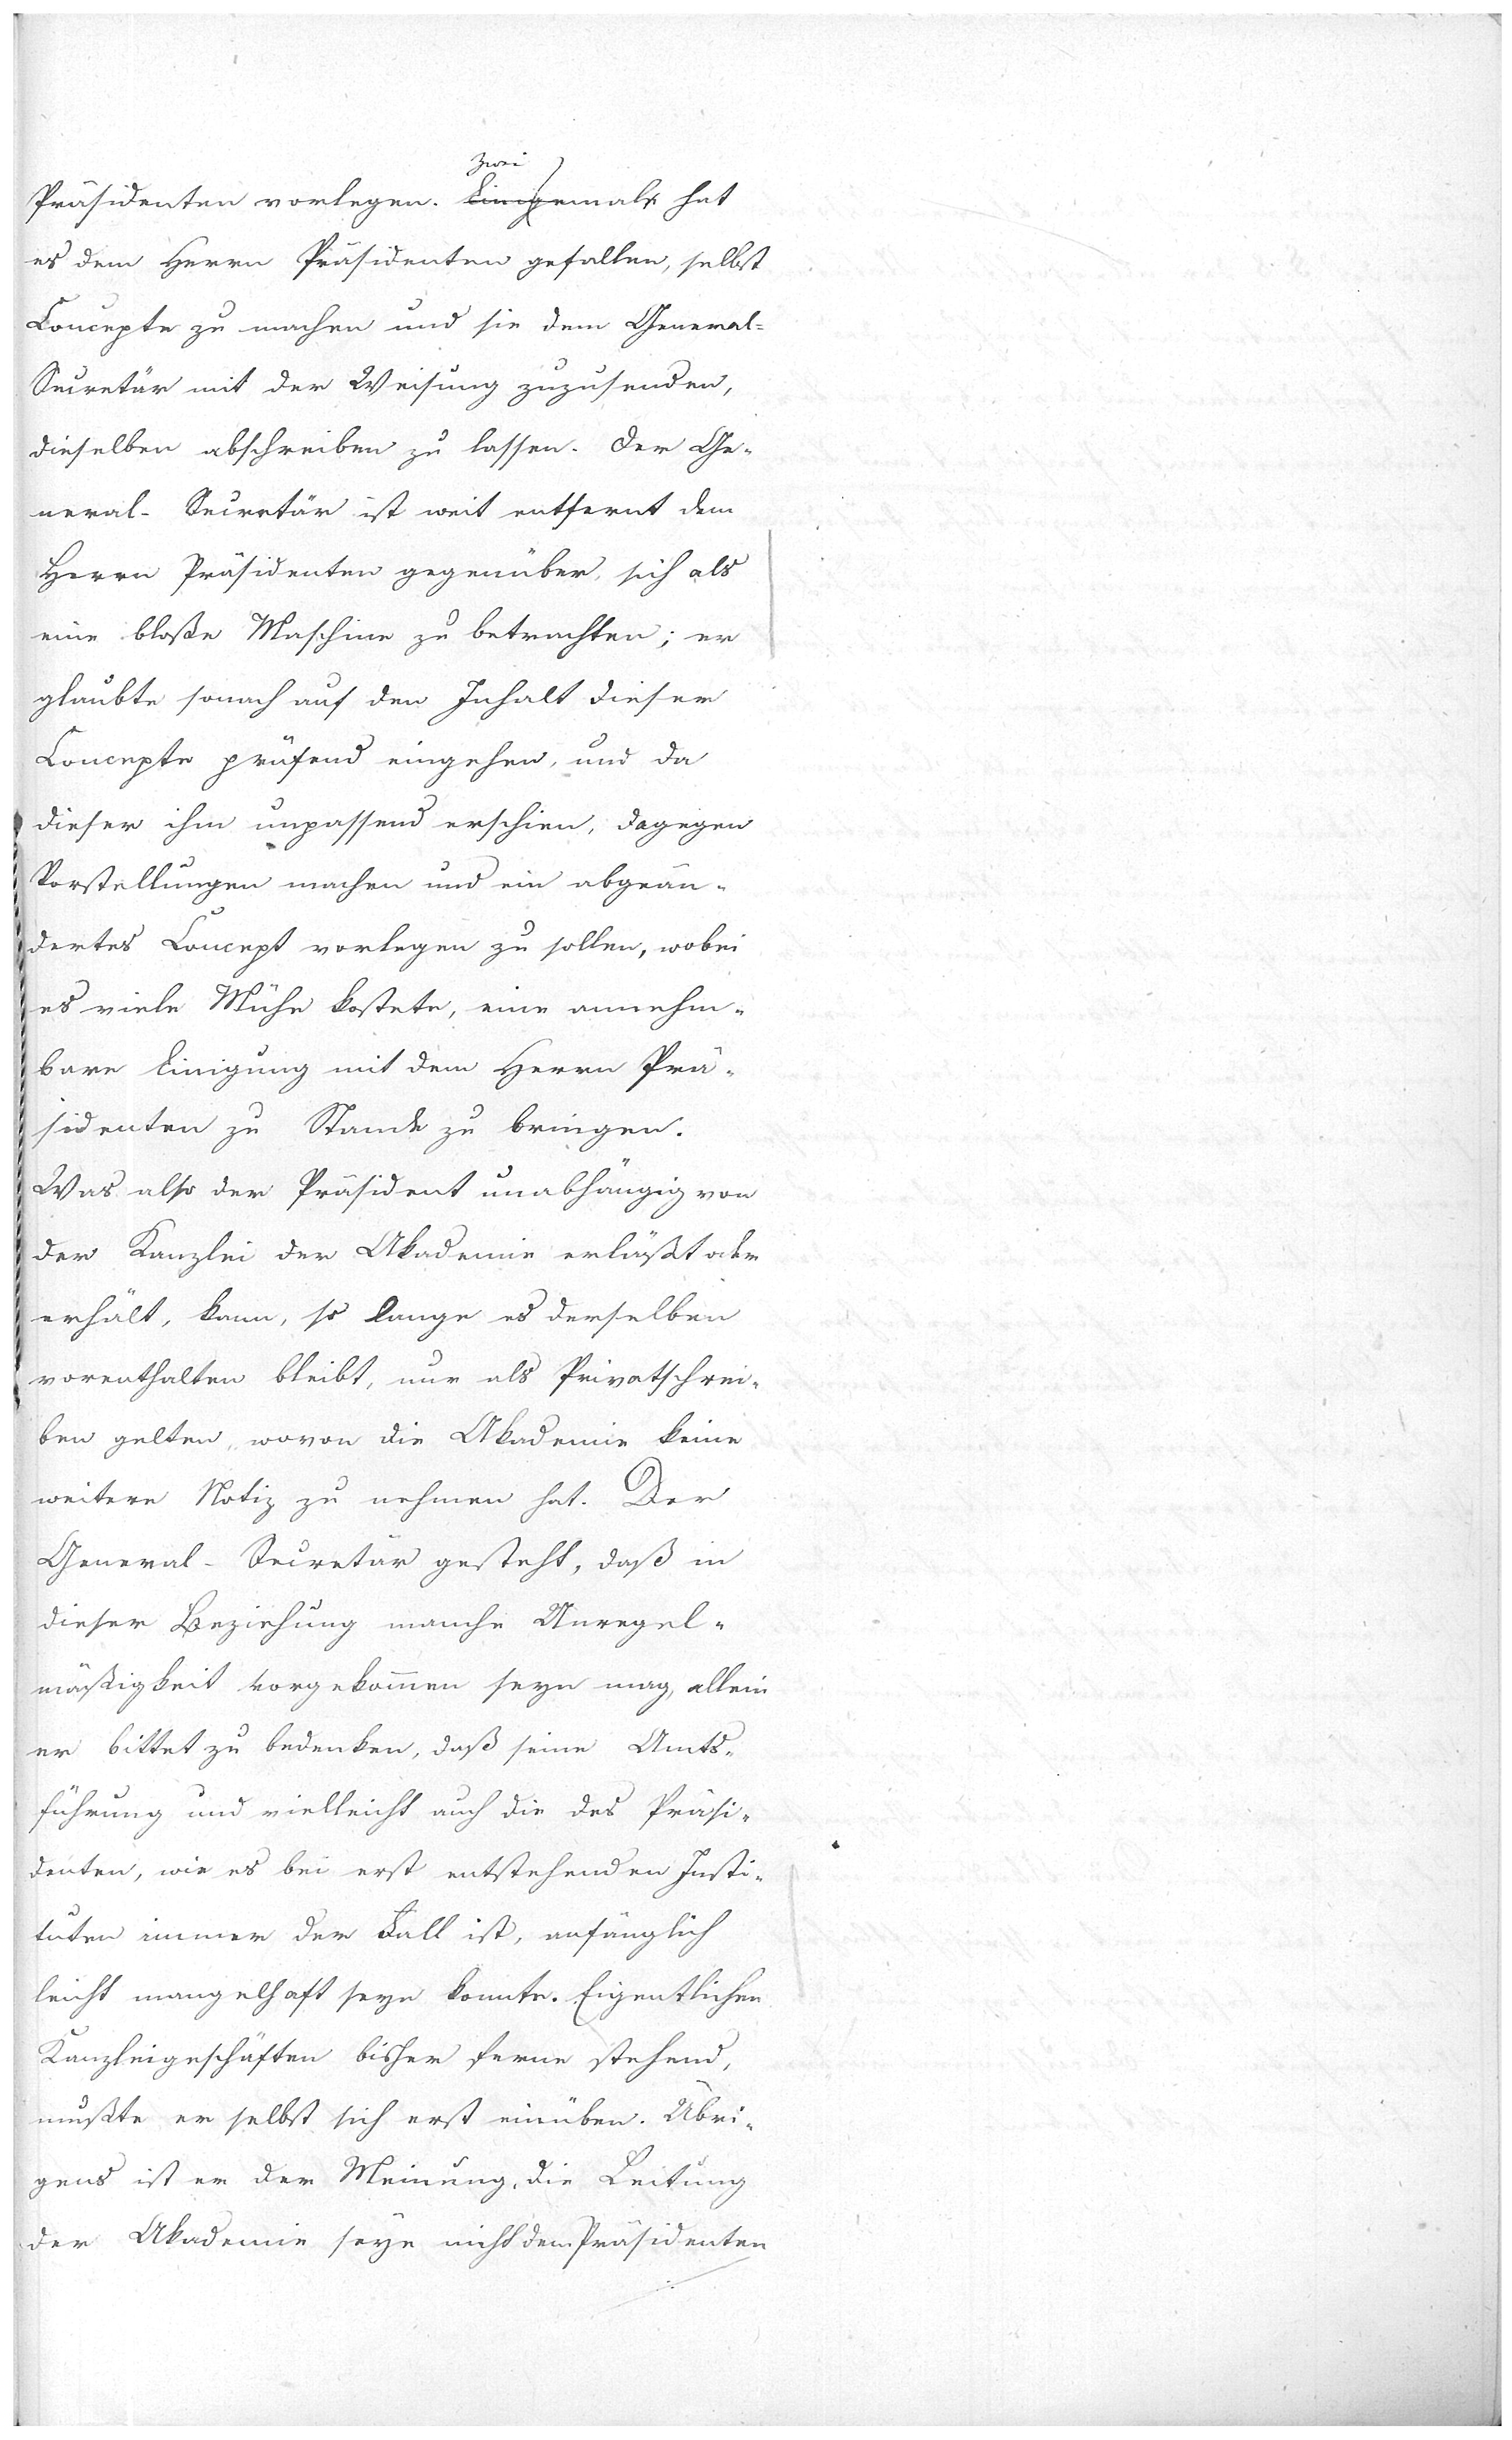Präsidenten vorlegen. Zweimal hat
es dem Herrn Präsidenten gefallen, welbst
Concepte zu machen, und sie dem General-
Secretär mit der Weisung zuzusenden,
dieselbe abschreiben zu lassen. Der Ge-
neral-Secretär ist weit entfernt dem
Herrn Präsidenten gegenüber sich als
eine bloße Maschine zu betrachten; er
glaubte sonach auf den Inhalt dieser
Concepte prüfend eingehen, und da
dieser ihm unpassend erschien, dagegen
Vorstellungen mach und ein abgeän-
dertes Concept vorlegen zu sollen, wobei
es viele Mühe Kostete, eine annehm-
bare Eingigung mit dem Herrn Prä-
sidenten zu Stande zu bringen.
Was also der Präsident unabhängig von
der Kanzlei der Akademie erläßt oder
erhält, aknn so lange es derselben
vorenthalten bleibt, nur als Privatschrei-
ben gelten, wovon die Akademie keine
weitere Notiz zu nehmen hat. Der
General-Secretär gesteht, daß in
dieser Beziehung manche Unregel-
mäßigkeit vorgekommen seyn mag, allein
er bittet zu bedenken, daß seine Amts-
führung und vielleicht auch die des Präsi-
denten, wie es bei erst entstehenden Justi-
täten immer der Fall ist, anfänglich
leicht mangelhaft sey konnte. Eigentlichen
Kanzleigeschäften bisher ferne stehend,
mußte er selbst sich erst einüben. Übri-
gens ist er der Meinung, die Leitung
der Akademie sey nicht dem Präsidenten